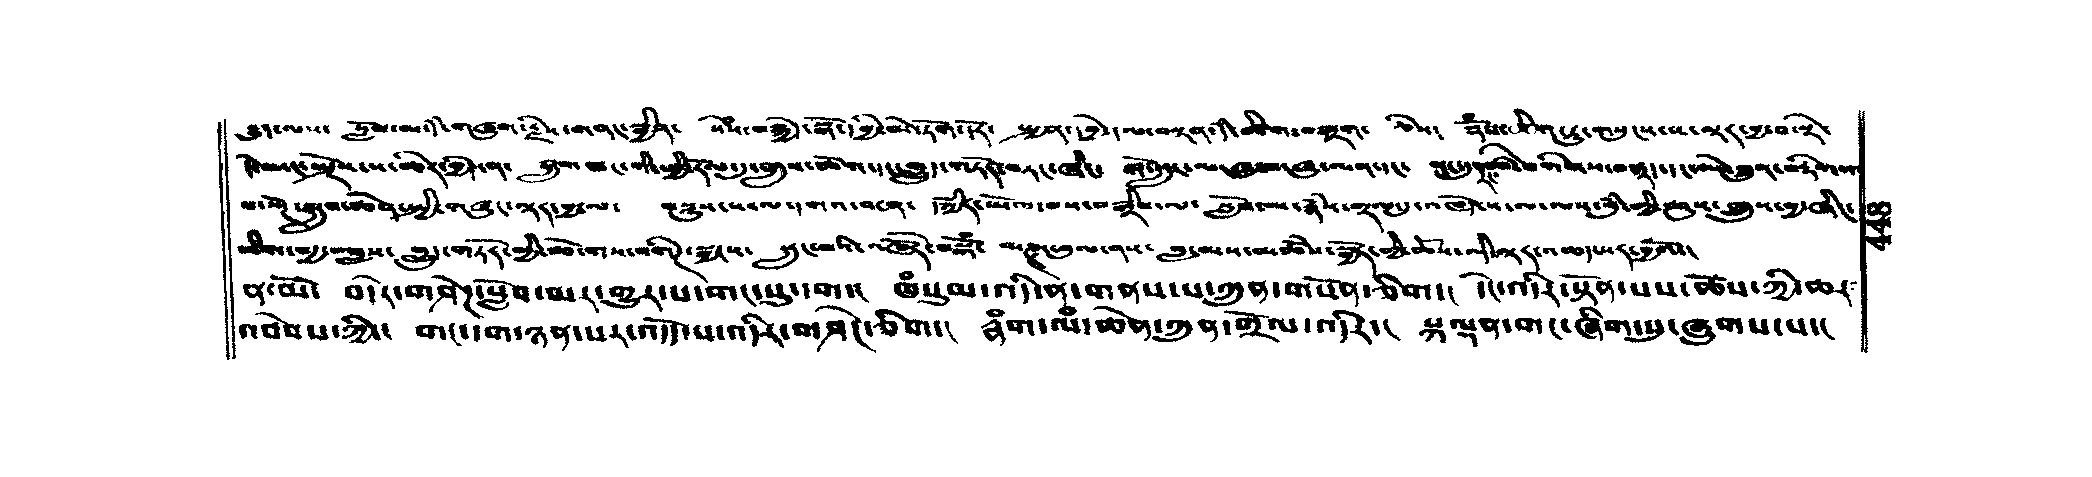རྒྱུད་ལས། སློབ་མ་དམ་གཞུག་རྗེས་གནང་སྦྱིན། །སེམས་བསྐྱེད་སྒོ་དབྱེ་མེ་ཏོག་འཐོར། །སྤྱན་དབྱེ་དལ་བསྟན་དམཚིག་བསྒྲག་།ཅེས་སྡོམས་ཚིག་ཏུ་གསུགས་པ་ལྟར་བྱ་བ་སྟེ།
དེ་ཡང་སྤྲོས་པ་ཆེར་བྱེད་ན། སྒྲུབ་ཁང་གི་ཕྱི་རོལ་དུ་ཁྲུས་ཆོག་དང་གླུད་གཏོར་བཏང་ཞིང་། སྒོ་སྲུང་ལ་ཞུ་བ་ཞུ་ལན་དང་། ནང་དུ་དྲང་ཚེ་བགེགས་བསྐྲད་དང་ཡེ་ཐུན་བརྡེགས་
པ་སོགས་སྒྲུབ་ཆེན་སྤྱི་གཞུང་ལྟར་བྱ་ལ། བསྡུས་པ་ལ་དགའ་བ་ན། དཀྱིལ་འཁོར་ཡོལ་བས་བསྒྲིབ་ལ། སློབ་མ་རྣམས་གྲལ་དུ་འཁོད་པ་ལ་ལས་བུམ་གྱི་ཆུས་ཁྲུས་བྱ་ཞིང་། 
ཡིག་བརྒྱ་བཟླས། གླུད་གཏོར་གྱི་ཆོ་གས་བགེགས་སྦྱངས། སྲུང་བའི་འཁོར་ལོ་བསྒོམ། མཎྜལ་ཕུལ་ནས་བླ་མས་མཚམས་སྦྱོར་གྱི་ཆོས་འདི་ལྟར་འཆད་པར་བྱའོ།
ན་མོ། བདེར་བཤེགས་སློབ་མར་གྱུར་པ་གང་སུ་དག་།ཁམས་གསུམ་འདི་ན་གནསཀྱང་ཀུན་གསོན་ཅིག་དེང་འདིར་སྟོན་པས་ཆོས་ཀྱི་ཆར་
འབེབས་ཀྱི། །གང་དག་ཉན་པར་འདོད་པ་འདིར་གཤེགས་ཅིག་།རྣམ་དག་ལམ་ཆེན་ཀུན་གྲོལ་འདིར། སྐལ་ལྡན་གང་ཞིག་སུ་ཞུགས་པ། །